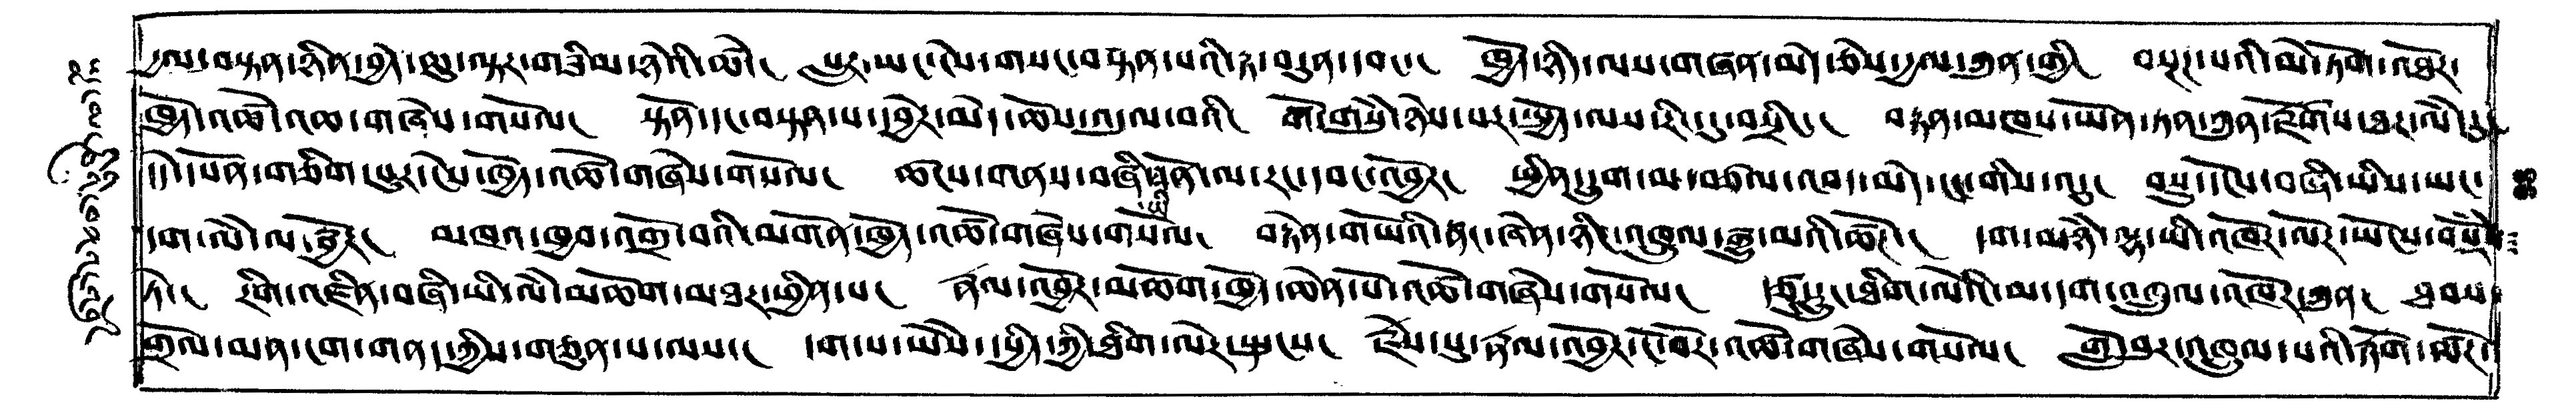།རྒྱལ་བསྟན་ཉིན་བྱེད་ཆུ་ལྷར་གཟིམས་ཉེའི་ཚེ། སླར་ཡང་ངེས་གསང་བསྟན་པའི་རྟ་བདུན་དབང་། །ཁྱོད་ཉིད་ལས་གཞན་མེད་ཅེས་རྒྱལ་ཀུན་ཀྱི། །བསྔགས་པའི་མེ་ཏོག་འཐོར་
ཁྱོད་འཚོ་གཞེས་གསོལ། །སྟོན་དང་བསྟན་པ་དབྱེར་མེད་ཆོས་འདུལ་བའི། །སྒོ་གསུམ་ཉེས་པར་སྤྱོད་ལས་རིང་དུ་བསྲིང་། །བརྟན་མཁས་ཡོན་ཏན་ཀུན་རྫོགས་ཐར་ལམ་གྱི། །
དེད་དཔོན་གཅིག་པུར་ངེས་ཁྱོད་འཚོ་གཞེས་གསོལ། །ཚངས་གནས་བཞི་ཡི་དོན་ལ་རང་དབང་འབྱོར། །ཕྱིན་དྲུག་མ་བཙལ་འབད་མེད་ངང་གིས་འདུ། །བསྡུ་དངོས་བཞི་ཡིས་ཡང་
དག་ལམ་ལ་སྦྱོར། །མཁའ་ཁྱབ་འགྲོ་བའི་མགོན་ཁྱོད་འཚོ་གཞེས་གསོལ། །བརྟན་གཡོའི་སྣང་ཞེན་ཉིང་འཁྲུལ་སྒྱུ་མའི་ཚོགས། དག་མཉམ་ལྷ་ཡི་འཁོར་ལོར་ཡོངས་བསྡོམས་
ཏེ། །རིག་འཛིན་བཞི་ཡི་ལམ་མཆོག་མཐར་ཕྱིན་པ། །རྣལ་འབྱོར་མཆོག་ཁྱོད་ཆེན་པོ་འཚོ་གཞེས་གསོལ། །རྩ་རླུང་ཐིག་ལེའི་མ་དག་འཁྲུལ་འཁོར་ཀུན། །ཐབས་
གྲོལ་མན་ངག་གནད་ཀྱིས་གཅུན་པ་ལས། །དག་པ་ཡེ་ཤེས་དཔྱིད་ཀྱི་ཐིག་ལེར་སྤུངས། །རྗེས་སུ་རྣལ་འབྱོར་ངོ་བོར་འཚོ་གཞེས་གསོལ། །གློ་བུར་འཁྲུལ་པའི་རྟོག་ཚོགས་